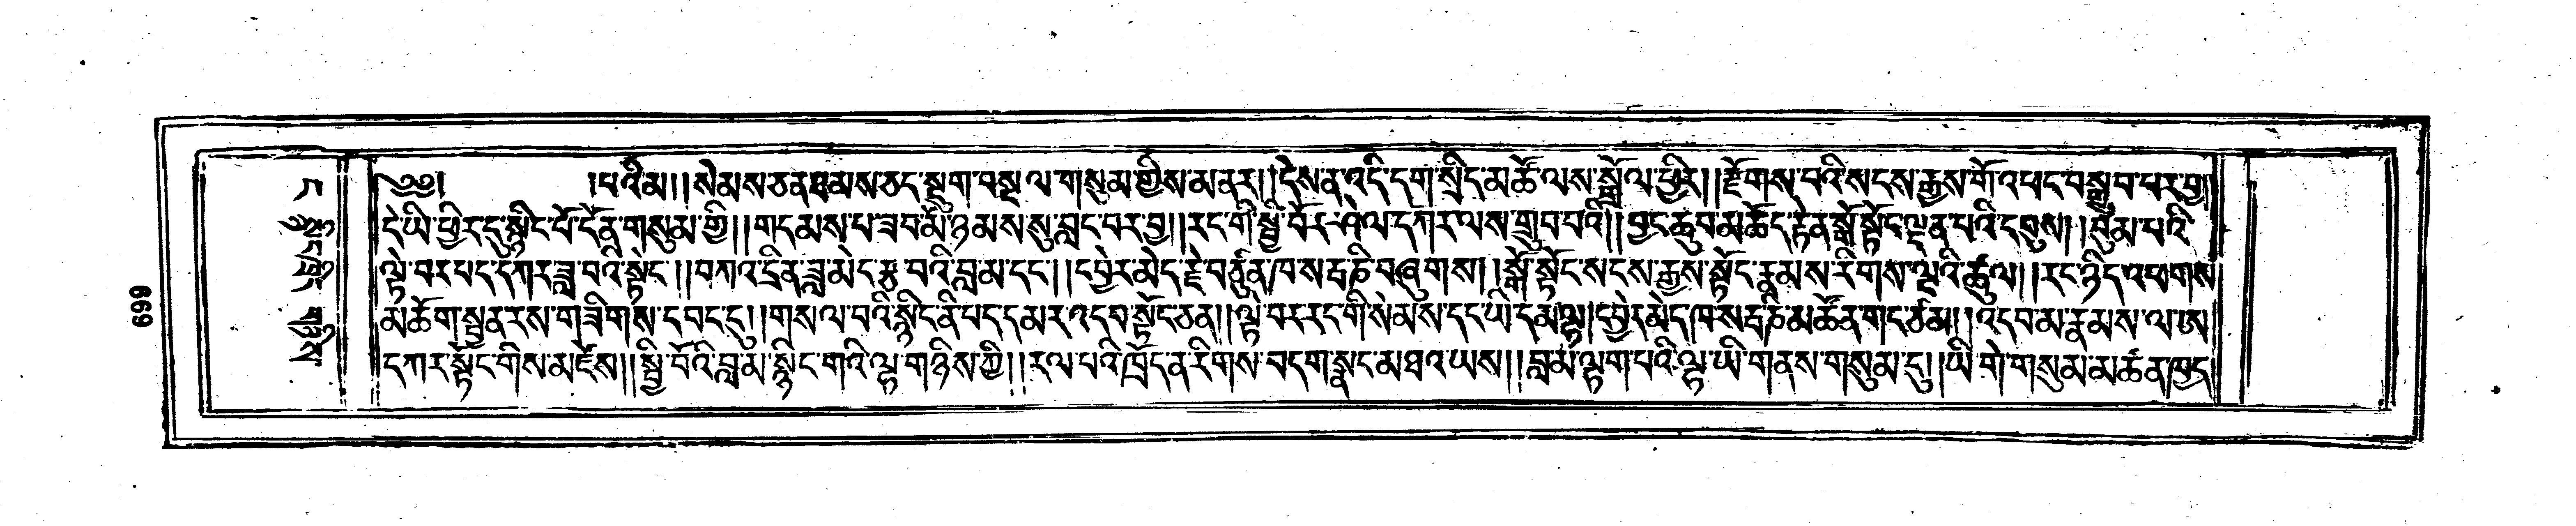༄༅། །པའི་མ། །སེམས་ཅན་ཐམས་ཅད་སྡུག་བསྔལ་གསུམ་གྱིས་མནར། །དེས་ན་འདི་དག་སྲིད་མཚོ་ལས་སྒྲོལ་ཕྱིར། །རྫོགས་པའི་སངས་རྒྱས་གོ་འཕང་བསྒྲུབ་པར་བྱ། །
དེ་ཡི་ཕྱིར་དུ་སྙིང་པོ་དོན་གསུམ་གྱི། །གདམས་པ་ཟབ་མོ་ཉམས་སུ་བླང་བར་བྱ། །རང་གི་སྤྱི་བོར་ཤེལ་དཀར་ལས་གྲུབ་པའི། །བྱང་ཆུབ་མཆོད་རྟེན་སྒོ་སྟོང་ལྡན་པའི་དབུས། །བུམ་པའི་
ལྟེ་བར་པད་དཀར་ཟླ་བའི་སྟེང་། །བཀའ་དྲིན་ཟླ་མེད་རྩ་བའི་བླ་མ་དང་། །དབྱེར་མེད་རྗེ་བཙུན་ཁ་སརྦ་ཎི་བཞུགས། །སྒོ་སྟོང་སངས་རྒྱས་སྟོང་རྣམས་རིགས་ལྔའི་ཚུལ། །རང་ཉིད་འཕགས་
མཆོག་སྤྱན་རས་གཟིགས་དབང་དུ། །གསལ་བའི་སྙིང་ནི་པད་དམར་འདབ་སྟོང་ཅན། །ལྟེ་བར་རང་གི་སེམས་དང་ཡི་དམ་ལྷ། །དབྱེར་མེད་ཁ་སརྦ་ཎི་མཚོན་གང་ཙམ། །འདབ་མ་རྣམས་ལ་ཨ་
དཀར་སྟོང་གིས་མཛེས། །སྤྱི་བོའི་བླ་མ་སྙིང་གའི་ལྷ་གཉིས་ཀྱི། །རལ་པའི་ཁྲོད་ན་རིགས་བདག་སྣང་མཐའ་ཡས། །བླ་མ་ལྷག་པའི་ལྷ་ཡི་གནས་གསུམ་དུ། །ཡི་གེ་གསུམ་མཚན་ཁྱད་